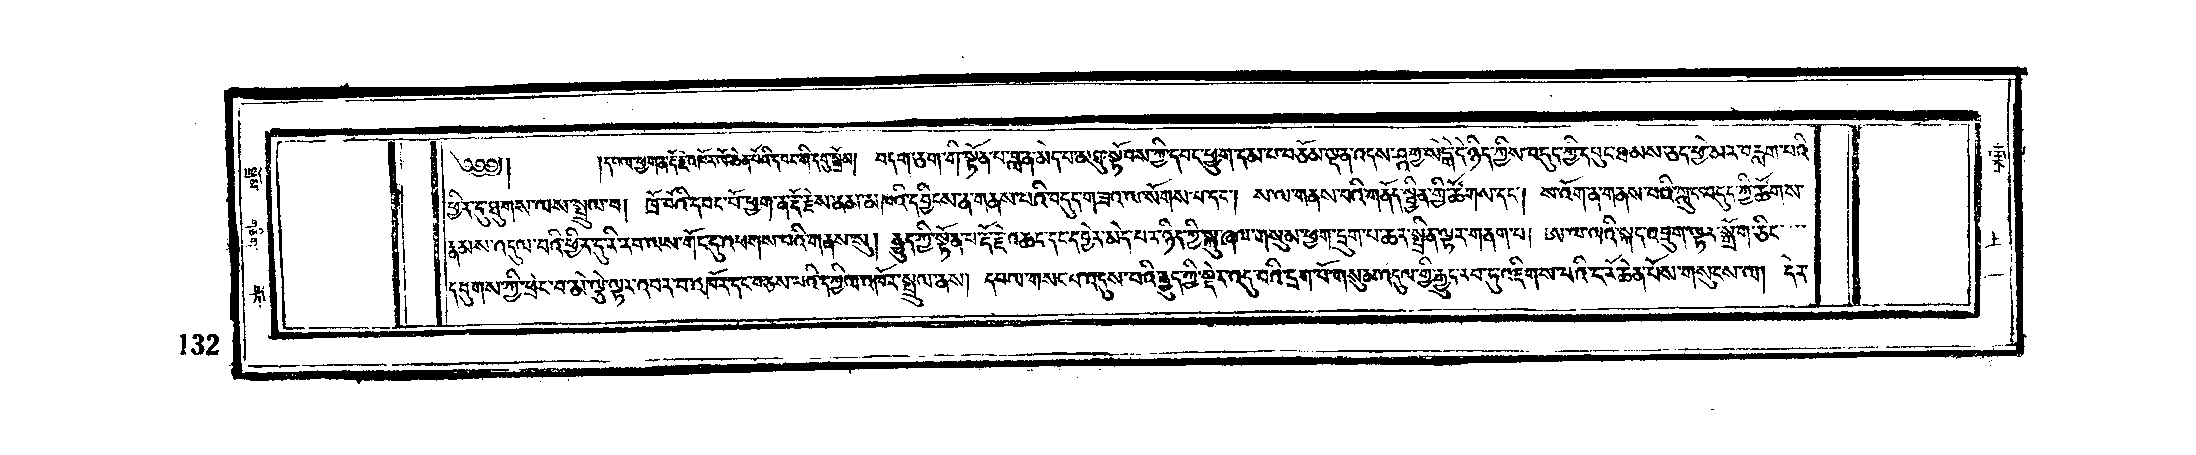༄༅༅། །དཔལ་ཕྱག་ན་རྡོ་རྗེ་འཁོར་ལོ་ཆེན་པོའི་དབང་གི་དབུ་སྒྲོམ། བདག་ཅག་གི་སྟོན་པ་བླ་ན་མེད་པ་མཐུ་སྟོབས་ཀྱི་དབང་ཕྱུག་དམ་པ་བཅོམ་ལྡན་འདས་ཤཱཀྱ་སེངྒེ་དེ་ཉིད་ཀྱིས་བདུད་ཀྱི་དཔུང་ཐམས་ཅད་ཕྱེ་མར་བརླག་པའི་
ཕྱིར་དུ་ཐུགས་ལས་སྤྲུལ་བ། ཁྲོ་བོའི་དབང་པོ་ཕྱག་ན་རྡོ་རྗེས་ནམ་མཁའི་དབྱིངས་ན་གནས་པའི་བདུད་གཟའ་ལ་སོགས་པ་དང་། ས་ལ་གནས་པའི་གནོད་སྦྱིན་གྱི་ཚོགས་དང་། ས་འོག་ན་གནས་པའི་ཀླུ་དང་བདུད་ཀྱི་ཚོགས་
རྣམས་འདུལ་བའི་ཕྱིར་དུ་རི་རབ་ལས་གོང་དུ་འཕགས་པའི་གནས་སུ། རྒྱུད་ཀྱི་སྟོན་པ་རྡོ་རྗེ་འཆང་དང་དབྱེར་མེད་པར་ཉིད་ཀྱི་སྐུ་ཞལ་གསུམ་ཕྱག་དྲུག་པ་ཆར་སྤྲིན་ལྟར་གནག་པ། ཨ་ལ་ལའི་སྐད་འབྲུག་ལྟར་སྒྲོག་ཅིང་
དབུགས་ཀྱི་ཕྲེང་བ་མེ་ལྕེ་ལྟར་འབར་བ་འཁོར་དང་བཅས་པའི་དཀྱིལ་འཁོར་སྤྲུལ་ནས། དཔལ་གསང་བ་འདུས་པའི་རྒྱུད་ཀྱི་སྡེར་འདུ་བའི་དྲག་པོ་གསུམ་འདུལ་གྱི་རྒྱུད་རབ་ཏུ་འཇིགས་པའི་ང་རོ་ཆེན་པོས་གསུངས་ལ། དེར་